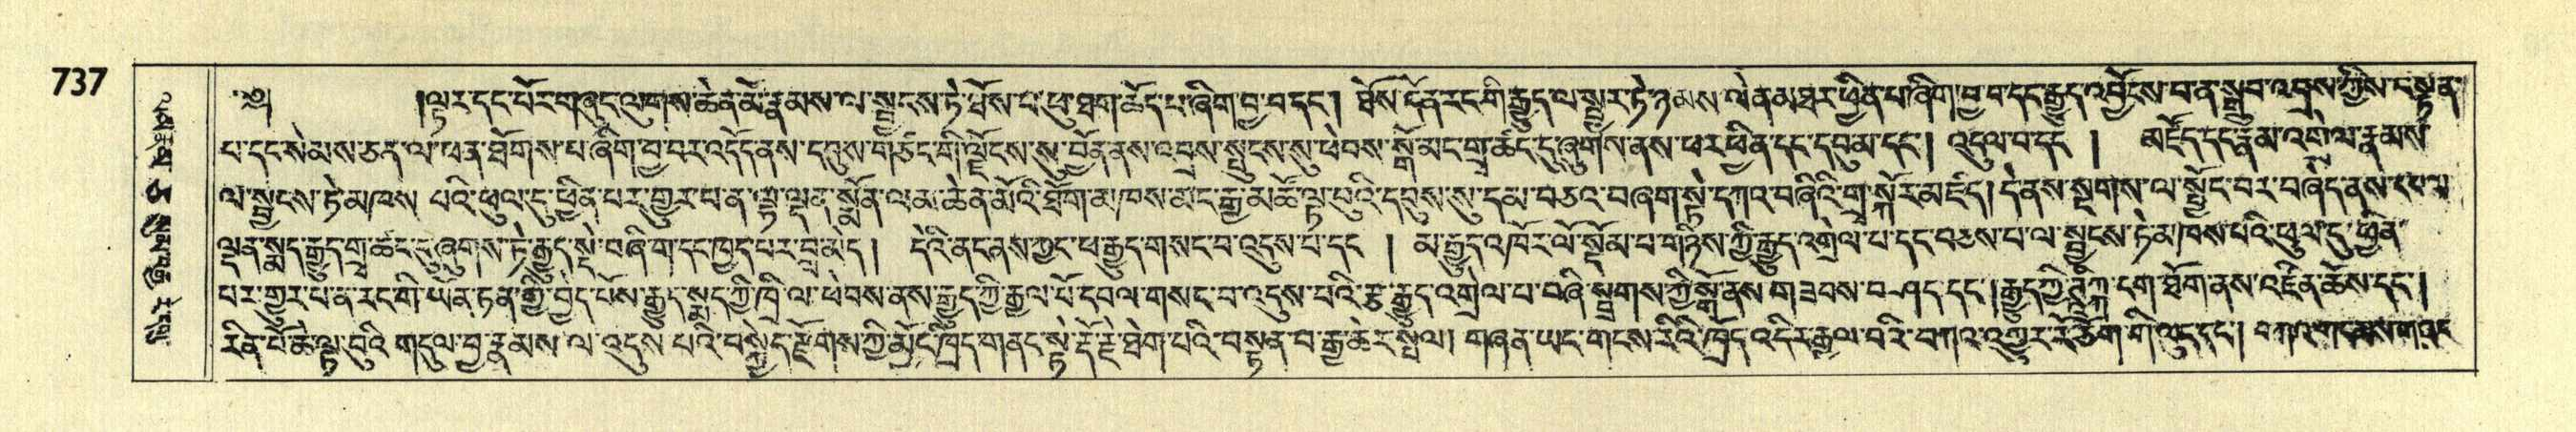༄༅། །ལྟར་དང་པོར་གཞུང་ལུགས་ཆེན་མོ་རྣམས་ལ་སྦྱངས་ཏེ་ཐོས་པ་ཕུ་ཐག་ཆོད་པ་ཞིག་བྱ་བ་དང་། ཐོས་དོན་རང་གི་རྒྱུད་ལ་སྦྱར་ཏེ་ཉམས་ལེན་མཐར་ཕྱིན་པ་ཞིག་བྱ་བ་དང་རྒྱུད་འབྱོངས་པ་ན་སྒྲུབ་འབྲས་ཀྱིས་བསྟན་
པ་དང་སེམས་ཅན་ལ་ཕན་ཐོགས་པ་ཞིག་བྱ་བར་འདོད་ནས་དབུས་གཙང་གི་ལྗོངས་སུ་བྱོན་ནས་འབྲས་སྤུངས་སུ་ཕེབས་སྒོ་མང་གྲྭ་ཚང་དུ་ཞུགས་ནས་ཕར་ཕྱིན་དང་བདུམ་དང་། འདུལ་བ་དང་། མཛོད་དང་རྣམ་འགྲེལ་རྣམས་
ལ་སྦྱངས་ཏེ་མཁས་པའི་ཕུལ་དུ་ཕྱིན་པར་གྱུར་པ་ན་ལྷ་ལྡན་སྨོན་ལམ་ཆེན་མོའི་ཐོག་མཁས་མང་རྒྱ་མཚོ་ལྟ་བུའི་དབུས་སུ་དམ་བཅའ་བཞག་སྟེ་དཀའ་བཞིའི་གྲྭ་སྐོར་མཛད། དེ་ནས་སྔགས་ལ་སྤྱོད་བར་བཞེད་ནས་དཔལ་
ལྡན་སྨད་རྒྱུད་གྲྭ་ཚང་དུ་ཞུགས་ཏེ་རྒྱུད་སྡེ་བཞི་ག་དང་ཁྱད་པར་བླ་མེད། དེའི་ནང་ནས་ཀྱང་ཕ་རྒྱུད་གསང་བ་འདུས་པ་དང་། མ་རྒྱུད་འཁོར་ལོ་སྡོམ་པ་གཉིས་ཀྱི་རྒྱུད་འགྲེལ་པ་དང་བཅས་པ་ལ་སྦྱངས་ཏེ་མཁས་པའི་ཕུལ་དུ་ཕྱིན་
པར་གྱུར་པ་ན་རང་གི་ཡོན་ཏན་གྱི་བྱེད་པོས་རྒྱུད་སྨད་ཀྱི་ཁྲི་ལ་ཕེབས་ནས་རྒྱུད་ཀྱི་རྒྱལ་པོ་དཔལ་གསང་བ་འདུས་པའི་རྩ་རྒྱུད་འགྲེལ་པ་བཞི་སྦྲགས་ཀྱི་སྒོ་ནས་གཟབས་བཤད་དང་།རྒྱུད་ཀྱི་ཊཱིཀྐ་ངག་ཐོག་ནས་འཛིན་ཆོས་དང་།
རིན་པོ་ཆེ་ལྟ་བུའི་གདུལ་བྱ་རྣམས་ལ་འདུས་པའི་བསྐྱེད་རྫོགས་ཀྱི་མྱོང་ཁྲིད་གནང་སྟེ་རྡོ་རྗེ་ཐེག་པའི་བསྟན་བ་རྒྱ་ཆེར་སྤལ། གཞན་ཡང་གངས་རིའི་ཁྲོད་འདིར་རྒྱལ་བའི་བཀའ་འགྱུར་རོ་ཅོག་གི་ལུང་དང་། བཀའ་གདམས་གཞུང་